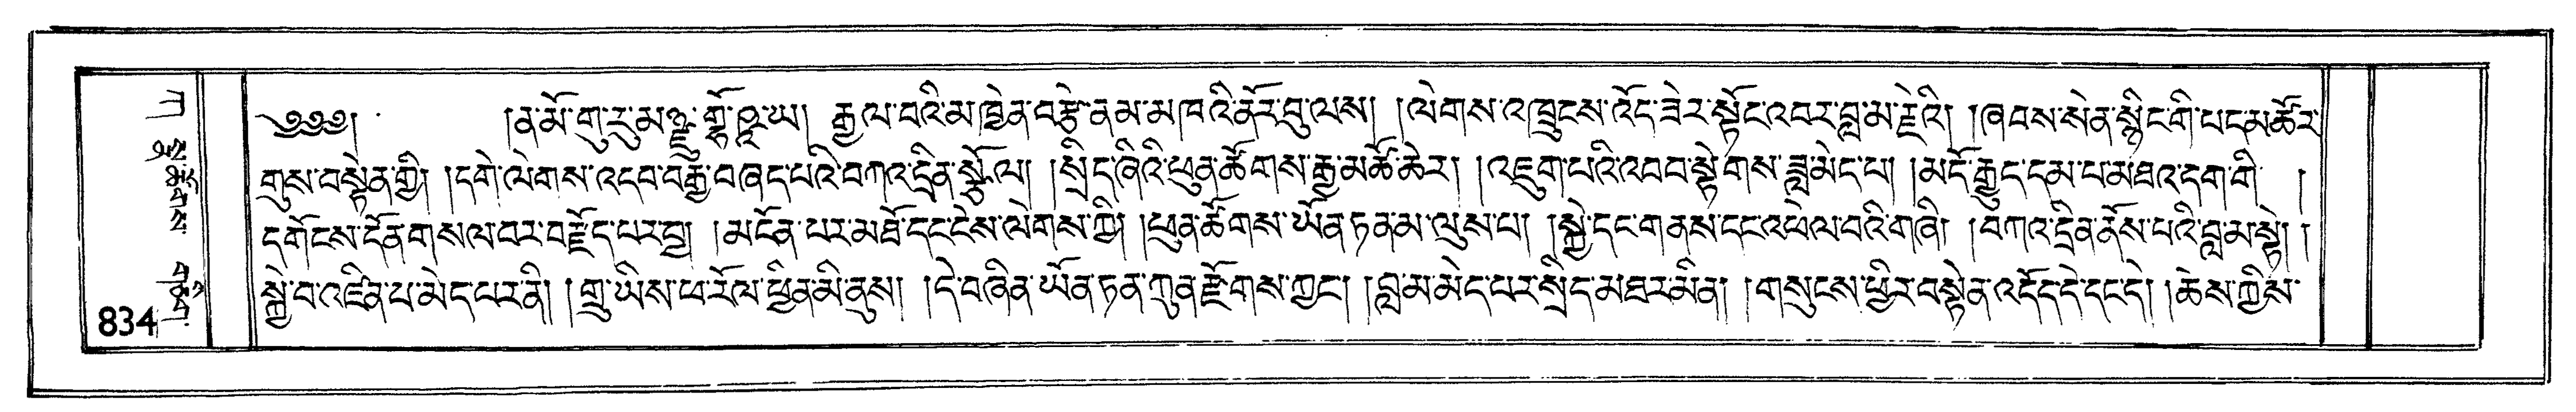༄༅༅། །ན་མོ་གུ་རུ་མཉྫུ་གྷོ་ཥཱ་ཡ། རྒྱལ་བའི་མཁྱེན་བརྩེ་ནམ་མཁའི་ནོར་བུ་ལས། །ལེགས་འཁྲུངས་འོད་ཟེར་སྟོང་འབར་བླ་མ་རྗེའི། །ཞབས་སེན་སྙིང་གི་པད་མཚོར་
གུས་བསྟེན་གྱི། །དགེ་ལེགས་འདབ་བརྒྱ་བཞད་པའི་བཀའ་དྲིན་སྩོལ། །སྲིད་ཞིའི་ཕུན་ཚོགས་རྒྱ་མཚོ་ཆེར། །འཇུག་པའི་འབབ་སྟེགས་ཟླ་མེད་པ། །མདོ་རྒྱུད་དམ་པ་མཐའ་དག་གི །
དགོངས་དོན་གསལ་བར་བརྗོད་པར་བྱ། །མངོན་པར་མཐོ་དང་ངེས་ལེགས་ཀྱི། །ཕུན་ཚོགས་ཡོན་ཏན་མ་ལུས་པ། །སྐྱེ་དང་གནས་དང་འཕེལ་བའི་གཞི། །བཀའ་དྲིན་ནོས་པའི་བླ་མ་སྟེ། །
སྐྱེ་བ་འཛིན་པ་མེད་པར་ནི། །གྲུ་ཡིས་ཕ་རོལ་ཕྱིན་མི་ནུས། །དེ་བཞིན་ཡོན་ཏན་ཀུན་རྫོགས་ཀྱང་། །བླ་མ་མེད་པར་སྲིད་མཐར་མིན། །གསུངས་ཕྱིར་བསྟེན་འདོད་དེ་དང་དེ། །ཆེས་ཀྱིས་